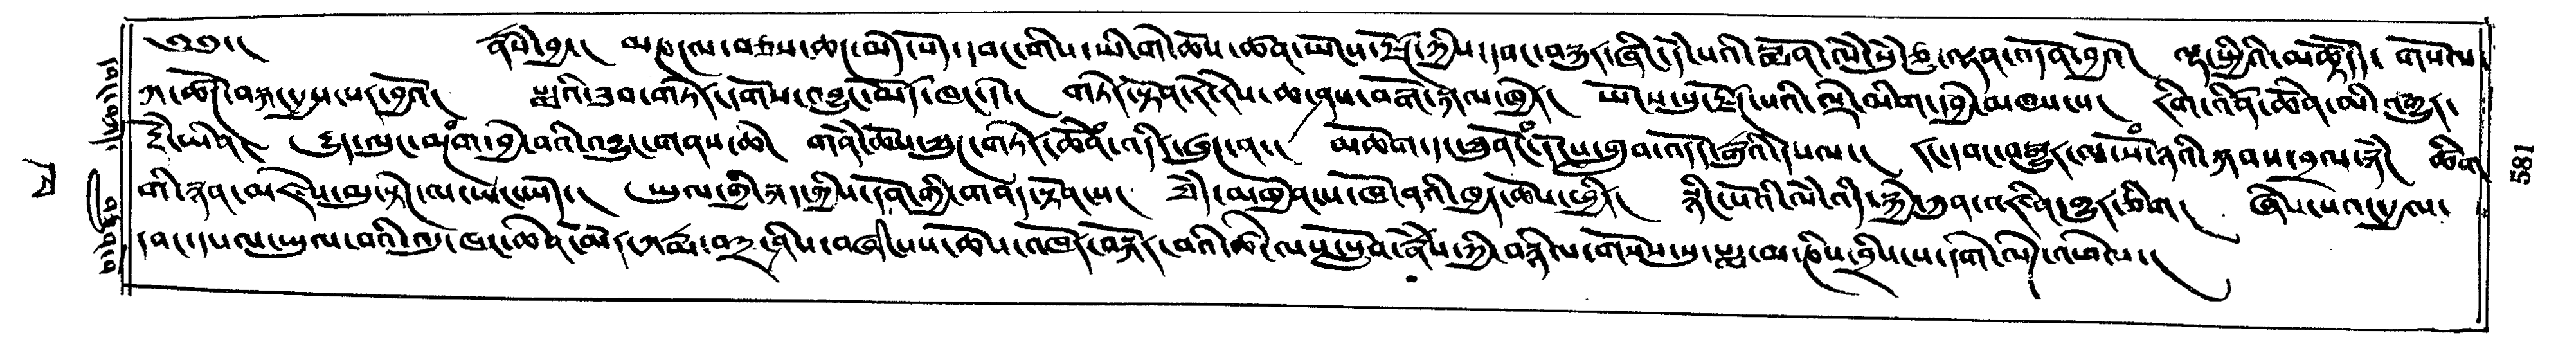རྣམས་བྱ། མཎྜལ་བཅས་ཆགས་མེད་པོད་དབང་གི་ཡི་གེ་ཆོས་ཚན་ཡོངས་རྫོགས་ཀྱིས་དབང་བསྐུར་ཞིང་ཕ་དམ་པའི་སྨོན་ལམ་སུམ་ཅུ་ལྷན་འདོན་བྱའོ།། ལྷ་སྤྱིའི་མཆོད་གཏོད་གསོལ་
ཀ་ཚོགས་བསྐང་རྒྱས་པར་བྱའོ།། པདྨའི་ཟབ་གཏེར་དགོས་འབྱུང་མཛོད་ཁང་དེ། །གཏེར་སྟོན་རེ་རེས་ཆ་ཤས་བསྒོ་སྐལ་ཁྱེར། །ཡོངས་སུ་རྫོགས་པའི་ལྡེ་མིག་དབྱེ་མཁས་པ། །རིག་འཛིན་ཆེན་པོ་མི་འགྱུར་
རྡོ་རྗེ་ཡིན། །རྒྱུད་ལུང་མན་ངག་བྱེ་བའི་འབྱུང་གནས་ཆེ། །གནམ་ཆོས་ཐུགས་གཏེར་ཆེན་པོ་འདིར་བཞུགས་ན། །མཆོག་དང་ཐུན་མོང་དངོས་གྲུབ་འདོད་རྒུའི་དཔལ། །རང་དབང་བསྒྱུར་ལ་སམ་ཉིའི་སྐབས་བྲལ་སྙམ། །ཚིག་
གི་སྙན་འཇབ་མུ་སྟེགས་ལ་ཡང་ཡོད། །ཡུལ་གྱི་སྐད་ཀྱིས་དོན་གྱི་གནད་སྟོན་པ། །ཐམས་ཅད་མཁྱེན་པ་ཁོ་ནའི་ཁྱད་ཆོས་ཕྱིར། །སྙིང་པོའི་ལམ་འདི་སྐྱེ་ཀུན་འཛིན་གྱུར་ཅིག །ཚེས་པའང་རྒྱལ་
དབང་དཔལ་ཡུལ་བའི་འདུ་ཁང་ཆེན་མོ་ཀརྨ་བཀྲ་ཤིས་བཞི་པས་ཆོས་འཁོར་བསྐོར་བའི་ཚེ་ལས་སློབ་རྣམས་ཀྱི་བསྙིལ་གསོས་སུ་པདྨ་མ་ཎིས་བྲིས་པ་དགེ་ལེགས་འཕེལ།། །།